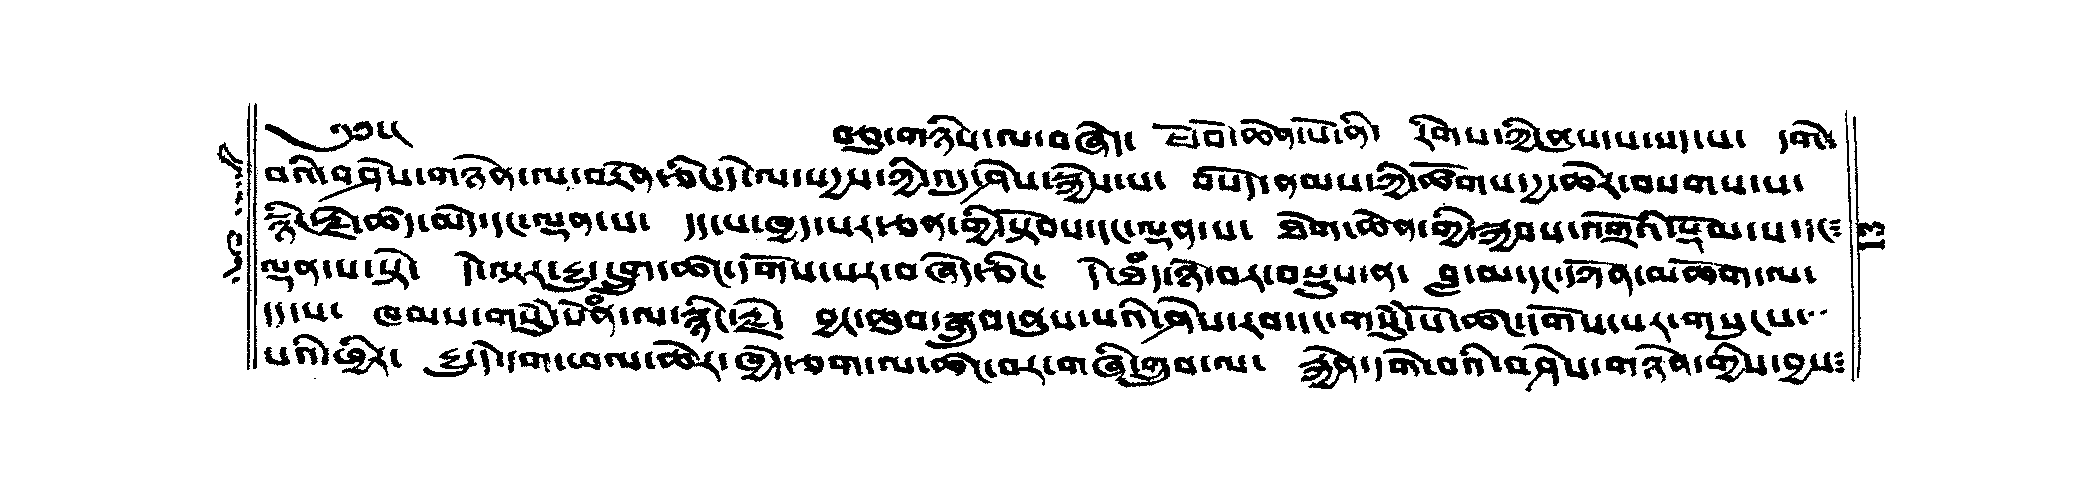བཅུ་གཉིས་ལ་བཞེད། ཇོ་བོ་ཆེན་པོ་ནི། རིགས་ཀྱི་ནུས་པ་སད་པ། དགེ་
བའི་བཤེས་གཉེན་ལ་བརྟེན་ཅིང་དེ་ལ་སངས་རྒྱས་ཀྱི་འདུ་ཤེས་སྐྱེས་པ། བསོད་ནམས་ཀྱི་ཚོགས་རྒྱ་ཆེར་བསགས་པ་
སྙིང་རྗེ་ཚད་མེད་དང་ལྡན་པ། དད་པ་ཁྱད་པར་ཅན་གྱི་སྟོབས་དང་ལྡན་པ། ཐེག་ཆེན་གྱི་སྐྱབས་འགྲོའི་སྡོམ་པ་དང་
ལྡན་པ་སྟེ།དེ་ལྟར་རྒྱུ་དྲུག་ཚང་དགོས་པར་བཞེད་ཅིང་། དེ་ཐམས་ཅད་ཉེ་བར་བསྡུས་ན། བླ་མ་དང་དཀོན་མཆོག་ལ་
དད་པ། ཁམས་གསུམ་སེམས་ཅན་ལ་སྙིང་རྗེ། བྱང་ཆུབ་སྒྲུབ་ནུས་པའི་ཤེས་རབ་དང་གསུམ་པོ་ཚང་དགོས་པར་གསུངས་
པའི་ཕྱིར། རྒྱུ་དེ་དག་ཕལ་ཆེར་ཁྱེད་ཅག་ལ་ཚང་བར་གཞི་གྲུབ་ལ། རྐྱེན་དགེ་བའི་བཤེས་གཉེན་གྱིས་བྱས་